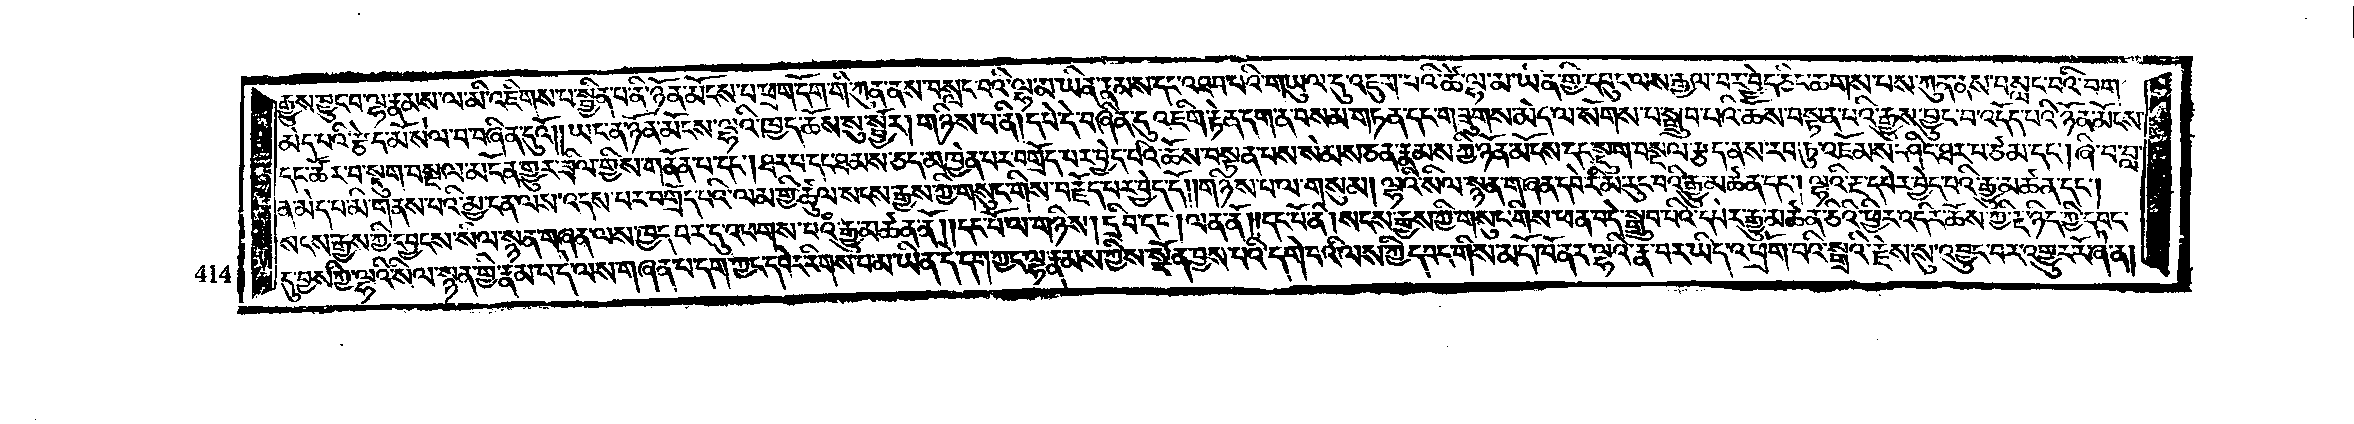རྒྱུས་བྱུང་བ་ལྷ་རྣམས་ལ་མི་འཇིགས་པ་སྦྱིན་པ་ནི་ཉོན་མོངས་པ་ཕྲག་དོག་གི་ཀུན་ནས་བསླང་བའི་ལྷ་མ་ཡིན་རྣམས་དང་འཐབ་པའི་གཡུལ་དུ་འཇུག་པའི་ཚེ་ལྷ་མ་ཡིན་གྱི་དབུང་ལས་རྒྱལ་བར་བྱེད་ཅིང་ཆགས་པས་ཀུན་ནས་བསླང་བའི་བག་
མེད་པའི་རྩེད་མོ་སེལ་བ་བཞིན་དུའོ། །ཡང་ན་ཉོན་མོངས་ལྷའི་ཁྱད་ཆོས་སུ་སྦྱོར། གཉིས་པ་ནི། དཔེ་དེ་བཞིན་དུ་འཇིག་རྟེན་དག་ན་བསམ་གཏན་དང་གཟུགས་མེད་ལ་སོགས་པ་སྒྲུབ་པའི་ཆོས་བསྟན་པའི་རྒྱུས་བྱུང་བ་འདོད་པའི་ཉོན་མོངས་
དང་ཚོར་བ་སྡུག་བསྔལ་མངོན་གྱུར་ཟིལ་གྱིས་གནོན་པ་དང་། ཐར་པ་དང་ཐམས་ཅད་མཁྱེན་པར་བགྲོད་པར་བྱེད་པའི་ཆོས་བསྟན་པས་སེམས་ཅན་རྣམས་ཀྱི་ཉོན་མོངས་དང་སྡུག་བསྔལ་རྩད་ནས་རབ་ཏུ་འཇོམས་ཤིང་ཐར་པ་ཙམ་དང་། ཞི་བ་བླ་
ན་མེད་པ་མི་གནས་པའི་མྱ་ངན་ལས་འདས་པར་བགྲོད་པའི་ལམ་གྱི་ཚུལ་སངས་རྒྱས་ཀྱི་གསུང་གིས་བརྗོད་པར་བྱེད་དོ། །གཉིས་པ་ལ་གསུམ། ལྷའི་སིལ་སྙན་གཞན་དཔེ?་རི་མ་རུང་བའི་རྒྱུ་མཚན་དང་། ལྷའི་རྔ་དཔེར་བྱེད་པའི་རྒྱུ་མཚན་དང་།
སངས་རྒྱས་ཀྱི་དབྱངས་སིལ་སྙན་གཞན་ལས་ཁྱད་པར་དུ་འཕགས་པའི་རྒྱུ་མཚན་ནོ། །དང་པོ་ལ་གཉིས། དྲི་བ་དང་། ལན་ནོ། །དང་པོ་ནི། སངས་རྒྱས་ཀྱི་གསུང་གིས་ཕན་བདེ་སྒྲུབ་པའི་དཔེར་རྒྱུ་མཚན་ཅིའི་ཕྱིར་འདིར་ཆོས་ཀྱི་རྔ་ཉིད་ཀྱི་དབང་
དུ་བྱས་ཀྱི་ལྷའི་སིལ་སྙན་གྱི་རྣམ་པ་དེ་ལས་གཞན་པ་དག་ཀྱང་དཔེར་རིགས་བ་མ་ཡིན་དེ་དག་ཀྱང་ལྷ་རྣམས་ཀྱིས་སྔོན་བྱས་པའི་དགེ་བའི་ལས་ཀྱི་དབང་གིས་མདོ་ཁོ་ནར་ལྷའི་རྣ་བར་ཡིད་འཕྲོག་བའི་སྒྲའི་རྗེས་སུ་འབྱུང་བར་འགྱུར་རོ་ཞེ་ན།